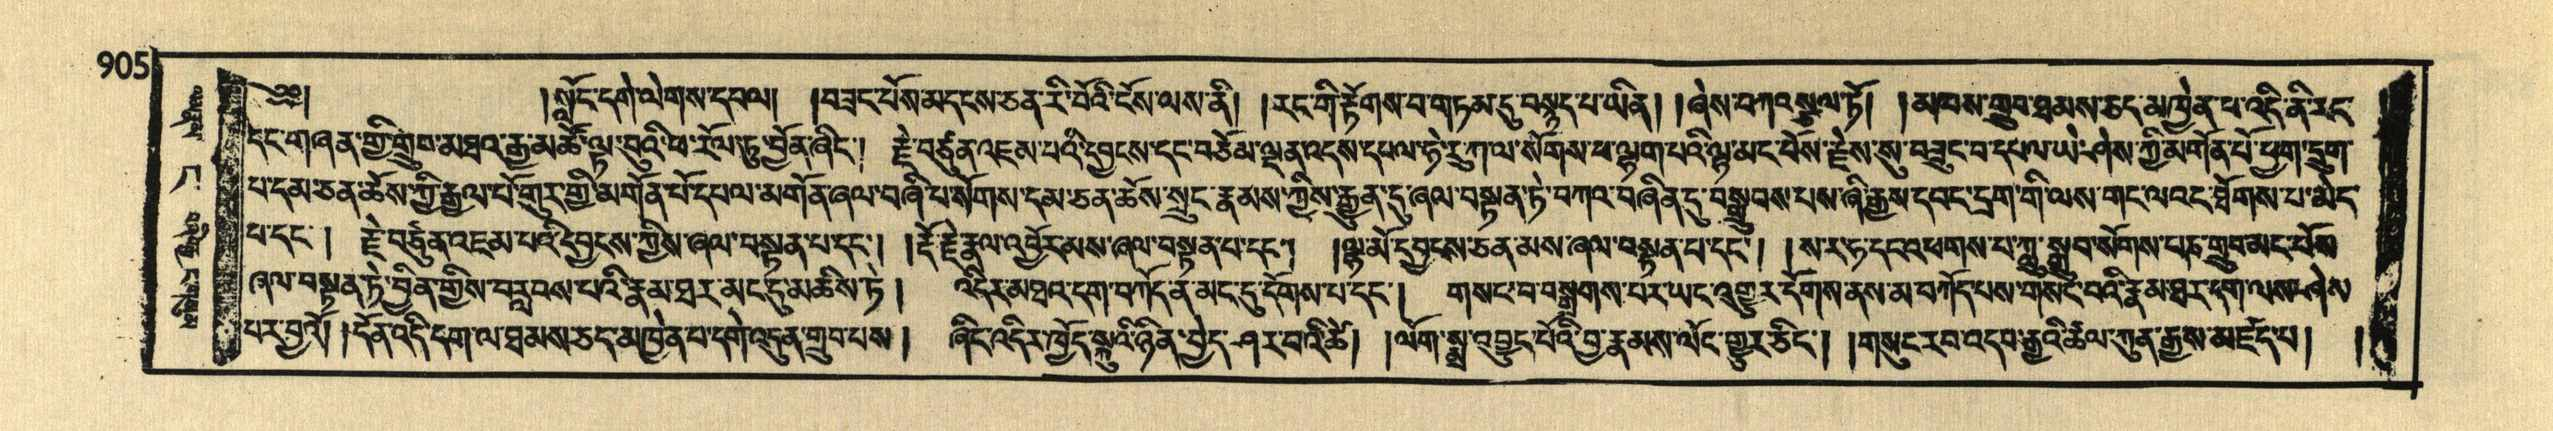༄༅། །སློང་དགེ་ལེགས་དཔལ། །བཟང་པོས་མདངས་ཅན་རི་བོའི་ངོས་ལས་ནི། །རང་གི་རྟོགས་བ་གཏམ་དུ་བསྙད་པ་ཡིན། །ཞེས་བཀའ་སྩལ་ཏོ། །མཁས་གྲུབ་ཐམས་ཅད་མཁྱེན་པ་འདི་ནི་རང་
དང་གཞན་གྱི་གྲུབ་མཐའ་རྒྱ་མཚོ་ལྟ་བུའི་ཕ་རོལ་ཏུ་བྱོན་ཞིང་། རྗེ་བཙུན་འཇམ་པའི་དབྱངས་དང་བཅོམ་ལྡན་དཔལ་ཧེ་རུ་ཀ་ལ་སོགས་པ་ལྷག་པའི་ལྷ་མང་བོས་རྗེས་སུ་བཟུང་བ་དཔལ་ཡེ་ཤེས་ཀྱི་མགོན་པོ་ཕྱག་དྲུག་
པ་དམ་ཅན་ཆོས་ཀྱི་རྒྱལ་པོ་གུར་གྱི་མགོན་པོ་དཔལ་མགོན་ཞལ་བཞི་པ་སོགས་དམ་ཅན་ཆོས་སྲུང་རྣམས་ཀྱིས་རྒྱུན་དུ་ཞལ་བསྟན་ཏེ་བཀའ་བཞིན་དུ་བསྒྲུབས་པས་ཞི་རྒྱས་དབང་དྲག་གི་ལས་གང་ལའང་ཐོགས་པ་མེད་
པ་དང་། རྗེ་བཙུན་འཇམ་པའི་དབྱངས་ཀྱིས་ཞལ་བསྟན་པ་དང་། །རྡོ་རྗེ་རྣལ་འབྱོར་མས་ཞལ་བསྟན་པ་དང་། །ལྷ་མོ་དབྱངས་ཅན་མས་ཞལ་བསྟན་པ་དང་། །ས་ར་ཧ་དང་འཕགས་པ་ཀླུ་སྒྲུབ་སོགས་པཎ་གྲུབ་མང་པོས་
ཞལ་བསྟན་ཏེ་བྱིན་གྱིས་བརླབས་པའི་རྣམ་ཐར་མང་དུ་མཆིས་ཏེ། འདིར་མཐའ་དག་བཀོད་ན་མང་དུ་དོགས་པ་དང་། གསང་བ་བསྒྲགས་པར་ཡང་འགྱུར་དོགས་ནས་མ་བཀོད་པས་གསང་བའི་རྣམ་ཐར་དག་ལས་ཤེས་
པར་བྱའོ། །དོན་འདི་དག་ལ་ཐམས་ཅད་མཁྱེན་པ་དགེ་འདུན་གྲུབ་པས། ཞིང་འདིར་ཁྱོད་སྐུའི་ཉིན་བྱེད་ཤར་བའི་ཚེ། །ལོག་སྨྲ་འབྱུང་པོའི་བྱ་རྣམས་ལོང་གྱུར་ཅིང་། །གསུང་རབ་འདབ་རྒྱའི་ཚལ་ཀུན་རྒྱས་མཛད་པ། །